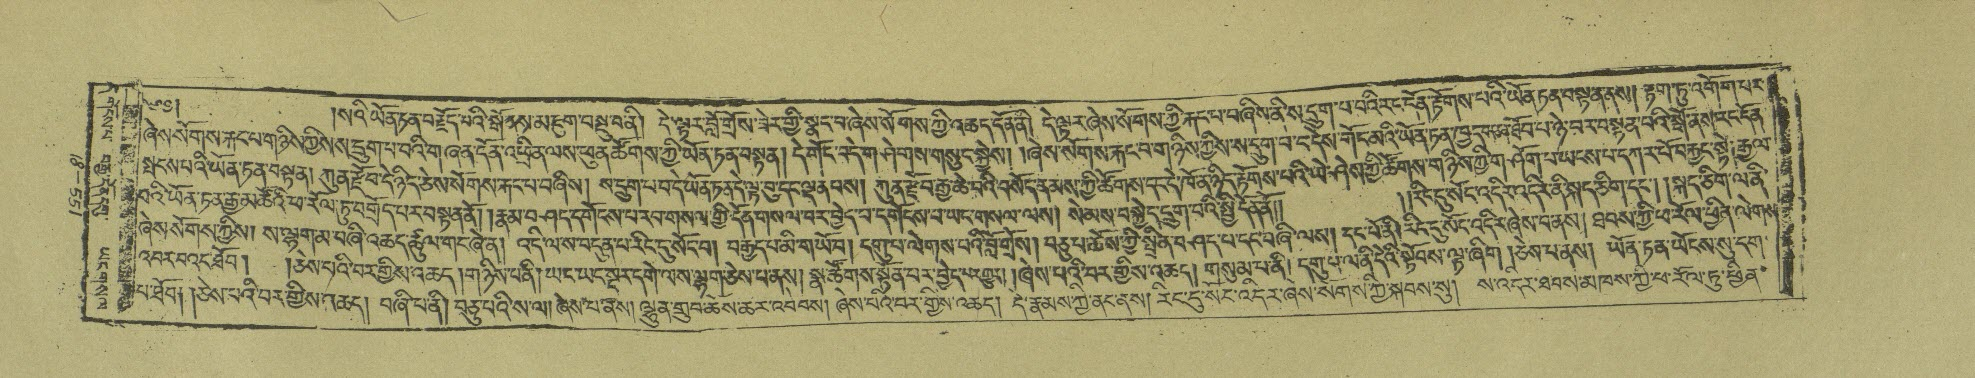༄༅། །སའི་ཡོན་ཏན་བརྗོད་པའི་སྒོ་ནས་མཇུག་བསྡུ་བ་ནི། དེ་ལྟར་བློ་གྲོས་ཟེར་གྱི་སྣང་བ་ཞེས་སོགས་ཀྱི་འཆད་དོན་ནི། དེ་ལྟར་ཞེས་སོགས་ཀྱི་རྐང་པ་བཞིས་ནི་ས་དྲུག་པ་བའི་རང་དོན་རྟོགས་པའི་ཡོན་ཏན་བསྟན་ནས། རྟག་ཏུ་འགོག་པར་
ཞེས་སོགས་རྐང་པ་གཉིས་ཀྱིས་ས་དྲུག་པ་བའི་གཞན་དོན་འཕྲིན་ལས་ཕུན་ཚོགས་ཀྱི་ཡོན་ཏན་བསྟན། དེ་གོང་བདེ་གཤེགས་གསུང་སྐྱེས། །ཞེས་སོགས་རྐང་པ་གཉིས་ཀྱིས་ས་དྲུག་པ་བ་དེས་གོང་མའི་ཡོན་ཏན་ཁྱད་པར་ཅན་ཐོབ་པ་ཉེ་བར་བསྟན་པའི་སྒོ་ནས་རང་དོན་
སྤངས་པའི་ཡོན་ཏན་བསྟན། ཀུན་རྫོབ་དེ་ཉིད་ཅེས་སོགས་རྐང་པ་བཞིས། ས་དྲུག་པ་བདེ་ཡོན་ཏན་དེ་ལྟ་བུ་དང་ལྡན་པས། ཀུན་རྫོབ་རྒྱ་ཆེ་བའི་བསོད་ནམས་ཀྱི་ཚོགས་དང་དེ་ཁོ་ན་ཉིད་རྟོགས་པའི་ཡེ་ཤེས་ཀྱི་ཚོགས་གཉིས་ཀྱི་གཤོག་པ་ཡངས་པ་དཀར་པོ་བརྐྱང་སྟེ། རྒྱལ་
བའི་ཡོན་ཏན་རྒྱ་མཚོའི་ཕ་རོལ་ཏུ་བགྲོད་པར་བསྟན་ནོ། །རྣམ་བཤད་དགོངས་པ་རབ་གསལ་གྱི་དོན་གསལ་བར་བྱེད་པ་དགོངས་པ་ཡང་གསལ་ལས། སེམས་བསྐྱེད་དྲུག་པའི་སྤྱི་དོན་ནོ།། །།འདི་དུ་སོང་འདིར་འདིར་ནི་སྐད་ཅིག་དང་། །སྐད་ཅིག་ལ་ནི་
ཞེས་སོགས་ཀྱིས། ས་ལྷག་མ་བཞི་འཆད་ཚུལ་གང་ཞེ་ན། འདི་ལས་བདུན་པ་རིང་དུ་སོང་བ། བརྒྱད་པ་མི་གཡོ་བ། དགུ་པ་ལེགས་པའི་བློ་གྲོས། བཅུ་པ་ཆོས་ཀྱི་སྤྲིན་བཤད་པ་དང་བཞི་ལས། དང་པོ་ནི། རིང་དུ་སོང་འདིར་ཞེས་པ་ནས། ཐབས་ཀྱི་ཕ་རོལ་ཕྱིན་ལེགས་
འབར་བའང་ཐོབ། །ཅེས་པའི་བར་གྱིས་འཆད། གཉིས་པ་ནི། ཡང་ཡང་སྔར་དགེ་ལས་ལྷག་ཅེས་པ་ནས། སྣ་ཚོགས་སྟོན་པར་བྱེད་པར་འགྱུར། །ཞེས་པའི་བར་གྱིས་འཆད། གསུམ་པ་ནི། དགུ་པ་ལ་ནི་དེའི་སྟོབས་ལྟ་ཞིག །ཅེས་པ་ནས། ཡོན་ཏན་ཡོངས་སུ་དག་
པ་ཐོབ། །ཅེས་པའི་བར་གྱིས་འཆད། བཞི་པ་ནི། བཅུ་པའི་ས་ལ་ཞེས་པ་ནས། ལྷུན་གྲུབ་ཆོས་ཆར་འབེབས། ཞེས་པའི་བར་གྱིས་འཆད། དེ་རྣམས་ཀྱི་ནང་ནས། རིང་དུ་སོང་འདིར་ཞེས་སོགས་ཀྱི་སྐབས་སུ། ས་འདིར་ཐབས་མཁས་ཀྱི་ཕ་རོལ་ཏུ་ཕྱིན་